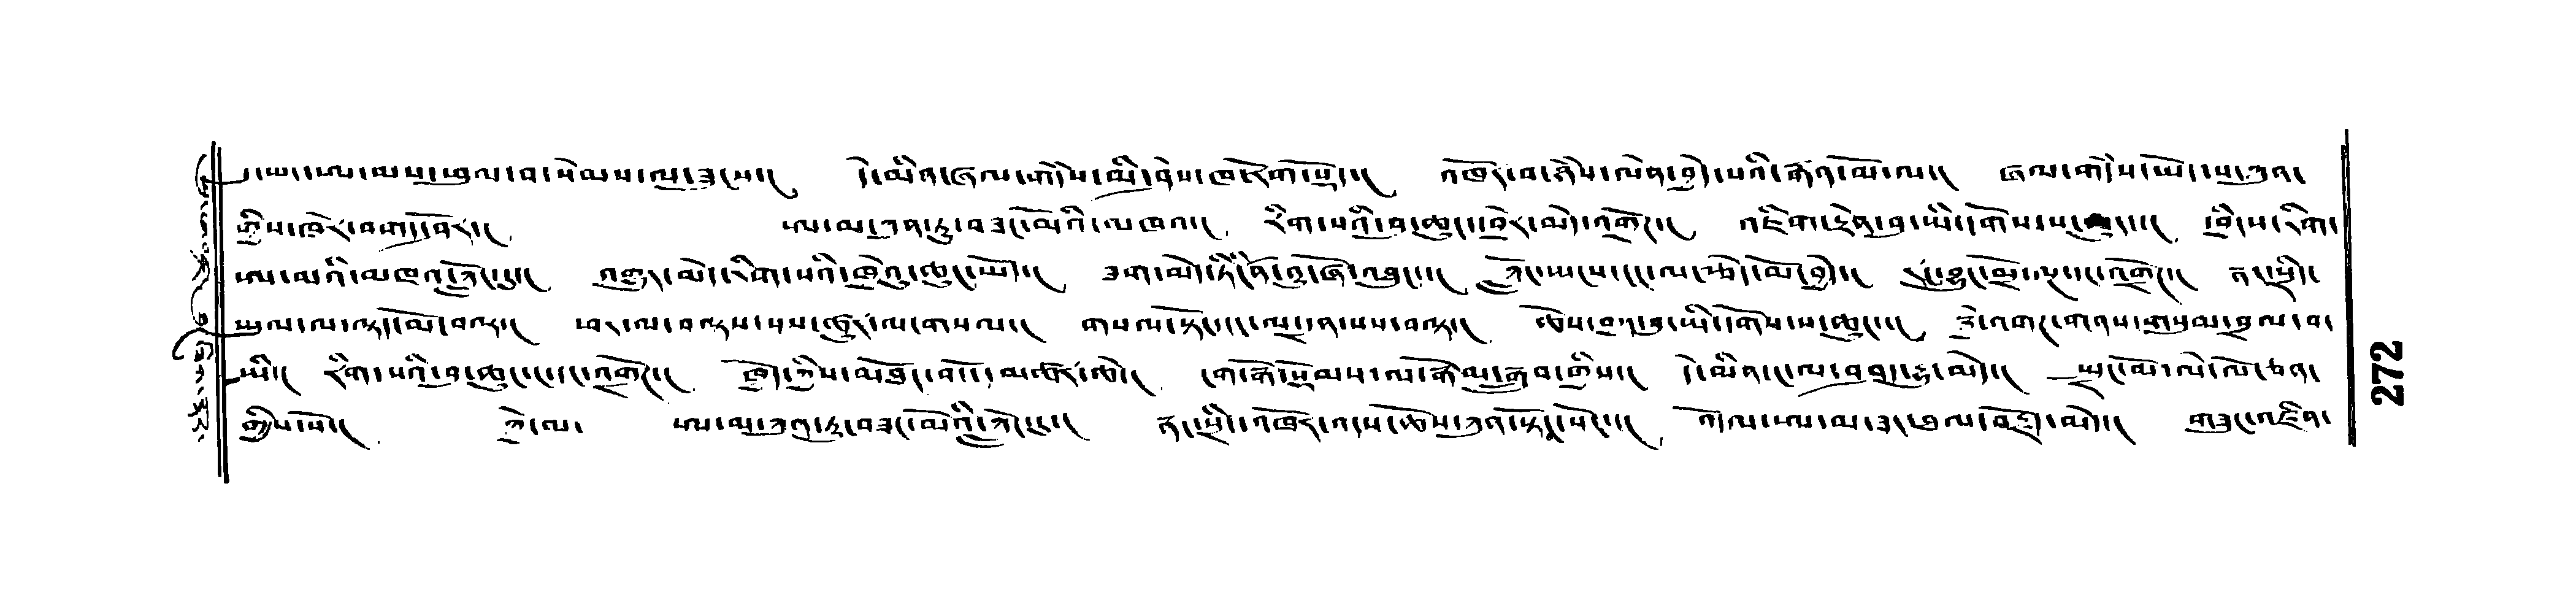དུ་ཡང་ཨ་མས་ཕུལ་བ་སེམས་ལ་ཟུངས། དེ་མིན་ཞལ་གདམས་མི་ཤེས་ཁ་རོག་སྡོད། །འཁོར་བ་ཉམས་ལེན་བྱེད་པའི་རྒན་མོ་ལ། །ཞལ་གདམས་ཡོད་པ་ཀུན་
གྱིས་ཁེར་བགད་འཆོར།། ཨ་མ་ཀུན་ཏུ་བཟང་མོའི་མཁའ། །རིག་པའི་བུ་ཆུང་དབྱེར་མེད་འགྲོགས། །འཇིག་རྟེན་བུ་ཡི་དགོས་པ་ཆུང་། །དབྱིངས་རིག་
ཨ་མའི་མཁའ་ཀློང་དུ། །འགྱུར་མེད་རིག་པའི་ཁྱེའུ་ཆུང་ཡོད། །ཟག་མེད་ཏིང་འཛིན་ནུ་ཞོ་འཐུུང་། །ཀློང་ཡངས་ངང་ལ་རྩེད་མོ་བྱེད། །རང་བྱུང་མཁའ་འགྲོ་ལྔ་དང་འགྲོགས། །སྣང་སྲིད་
ཡུལ་ལ་ལྟད་མོ་བལྟ། །ཕར་ལ་བལྟས་པས་ཚུར་ལ་གསལ། །གསལ་སྟོང་ངང་ལ་དྲན་པས་བལྟ། །ཆོས་བརྒྱད་བུ་ཡི་དགོས་པ་ཆུང་། །སྐྱེ་འགག་གནས་གསུམ་བྲལ་བ་
ཡི། །རིག་པའི་བུ་ཆུང་ང་དང་འགྲོགས། ཁྱོད་ཀྱིས་མཐོང་བ་ངོ་མཚར་ཆེ། །ངག་སྒོ་སྡོམས་ལ་སྒོམ་སྒྲུབ་གྱིས། །དེ་མིན་ང་ལ་བཤད་རྒྱུ་མེད། །སྤྲང་མོ་ལེ་ལོ་ཅན་
གྱིས་སོ། ཀྱེ་མ། ཨ་མ་ཀུན་ཏུ་བཟང་མོའི་ཀློང་དུ། །སྣང་སྲིད་འཁོར་འདས་ཆོས་ཀུན་སྟོང་སོང་། འོད་གསལ་ཨ་མ་ཟང་ཐལ་བརྗོད་མེད། །གཟུང་འཛིན་